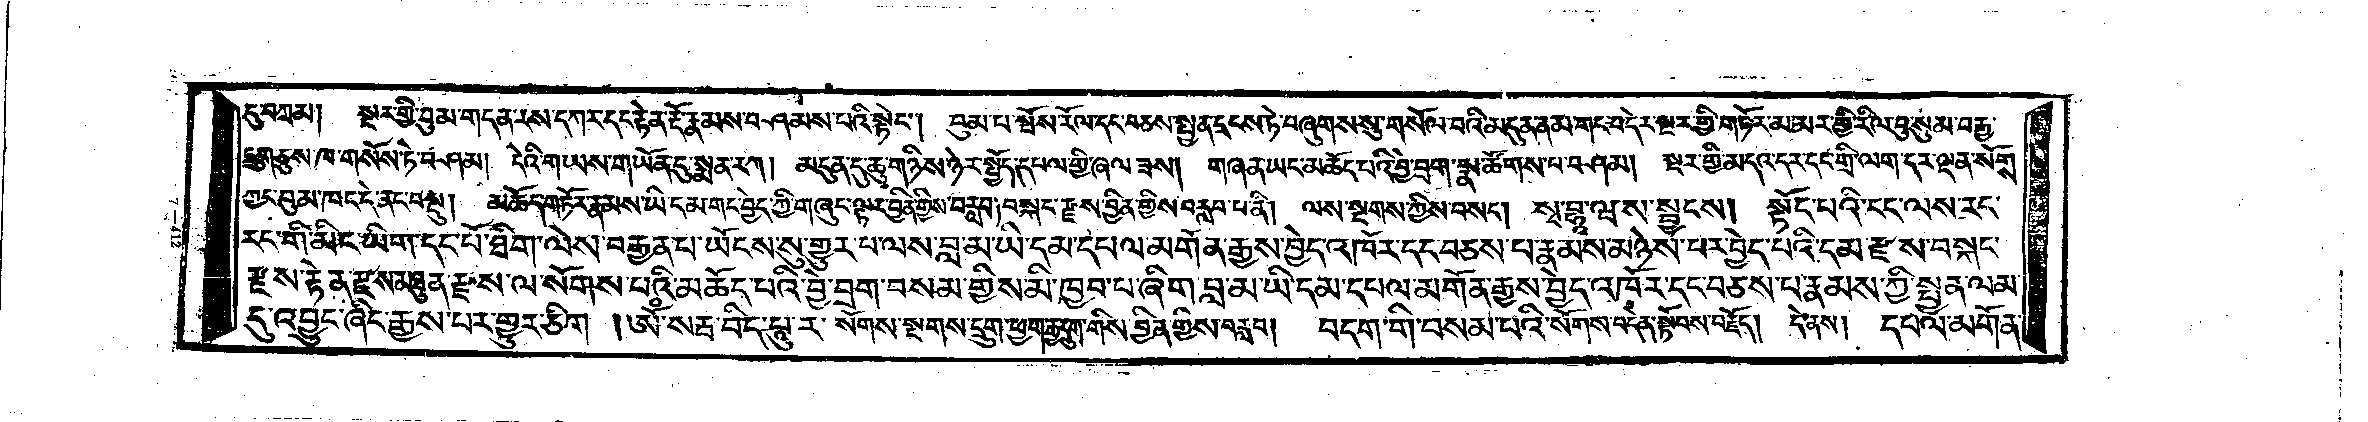དུ་བཀྲམ། སྔར་གྱི་བུམ་གདན་རས་དཀར་དང་རྟེན་རྡོ་རྣམས་བཤམས་པའི་སྟེང་། བུམ་པ་སྤོས་རོལ་དང་བཅས་སྤྱན་དྲངས་ཏེ་བཞུགས་སུ་གསོལ་བའི་མདུན་ནམ་གང་བདེར་སྔར་གྱི་གཏོར་མ་མར་གྱི་རིལ་བུ་སུམ་བརྒྱ་
དྲུག་ཅུས་ཁ་གསོས་ཏེ་བཤམ། དེའི་གཡས་གཡོན་དུ་སྨན་རཀ། མདུན་དུ་ཆུ་གཉིས་ཉེར་སྤྱོད་༑དཔལ་གྱི་ཞལ་ཟས། གཞན་ཡང་མཆོད་པའི་བྱེ་བྲག་སྣ་ཚོགས་པ་བཤམ། སྔར་གྱི་མངའ་དར་དང་གྲི་ལག་དར་ལྡན་སོགས་
ཀྱང་བུམ་ཁང་དེ་ནང་བསྡུ། མཆོད་གཏོར་རྣམས་ཡི་དམ་གང་བྱེད་ཀྱི་གཞུང་ལྟར་བྱིན་གྱིས་བརླབ་༑བསྐང་རྫས་བྱིན་གྱིས་བརླབ་པ་ནི། ལས་སྔགས་ཀྱིས་བསང་། སྭ་བྷཱ་ཝས་སྦྱངས། སྟོང་པའི་ངང་ལས་རང་
རང་གི་མིང་ཡིག་དང་པོ་ཐིག་ལེས་བརྒྱན་པ་ཡོངས་སུ་གྱུར་པ་ལས་བླ་མ་ཡི་དམ་དཔལ་མགོན་རྒྱས་བྱེད་འཁོར་དང་བཅས་པ་རྣམས་མཉེས་པར་བྱེད་པའི་དམ་རྫས་བསྐང་
རྫས་རྟེན་རྫས་མཐུན་རྫས་ལ་སོགས་པའི་མཆོད་པའི་བྱེ་བྲག་བསམ་གྱིས་མི་ཁྱབ་པ་ཞིག་བླ་མ་ཡི་དམ་དཔལ་མགོན་རྒྱས་བྱེད་འཁོར་དང་བཅས་པ་རྣམས་ཀྱི་སྤྱན་ལམ་
དུ་འབྱུང་ཞིང་རྒྱས་པར་གྱུར་ཅིག །ཨོཾ་སརྦ་བིད་པཱུར་སོགས་སྔགས་དྲུག་ཕྱག་རྒྱ་དྲུག་གིས་བྱིན་གྱིས་བརླབ།  བདག་གི་བསམ་པའི་སོགས་བདེན་སྟོབས་བརྗོད། དེ་ནས།  དཔལ་མགོན་